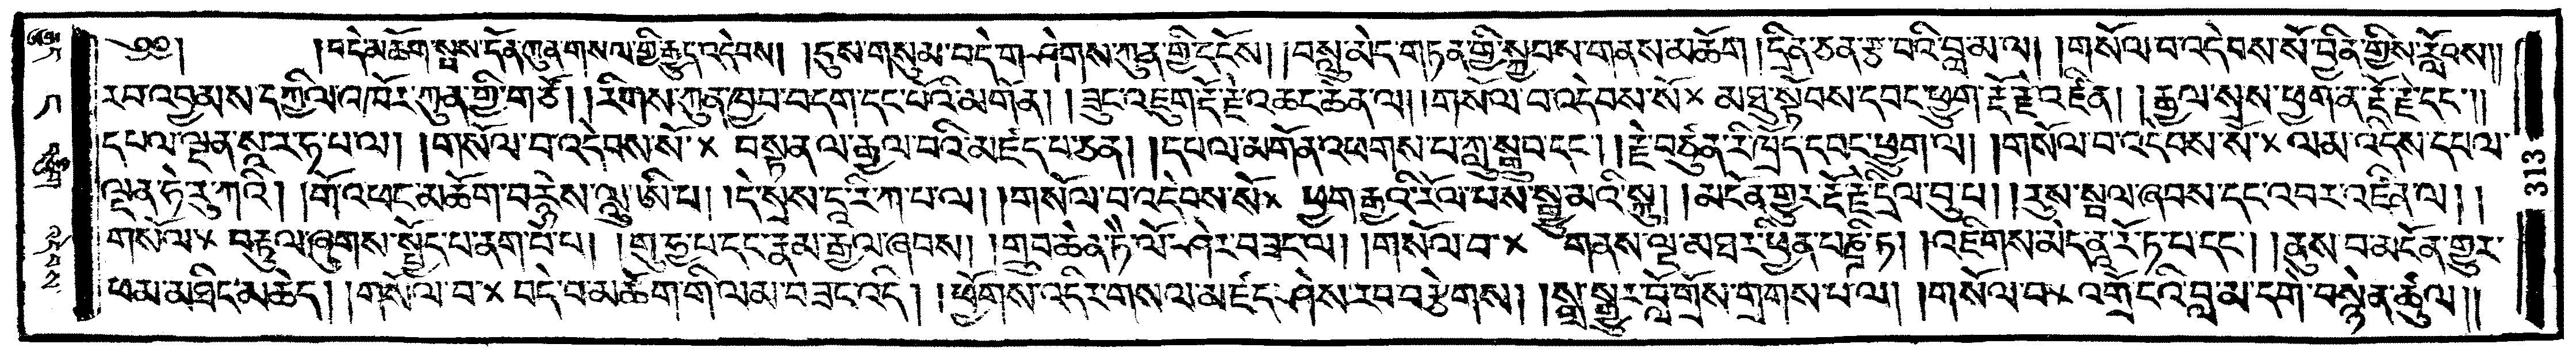༄༅། །བདེ་མཆོག་སྤས་དོན་ཀུན་གསལ་གྱི་རྒྱུད་འདེབས། །དུས་གསུམ་བདེ་གཤེགས་ཀུན་གྱི་དངོས། །བསླུ་མེད་གཏན་གྱི་སྐྱབས་གནས་མཆོག །དྲིན་ཅན་རྩ་བའི་བླ་མ་ལ། །གསོལ་བ་འདེབས་སོ་བྱིན་གྱིས་རློབས། །
རབ་འབྱམས་དཀྱིལ་འཁོར་ཀུན་གྱི་གཙོ། །རིགས་ཀུན་ཁྱབ་བདག་དང་པོའི་མགོན། །ཟུང་འཇུག་རྡོ་རྗེ་འཆང་ཆེན་ལ། །གསོལ་བ་འདེབས་སོ་{྾}་མཐུ་སྟོབས་དབང་ཕྱུག་རྡོ་རྗེ་འཛིན། །རྒྱལ་སྲས་ཕྱག་ན་རྡོ་རྗེ་དང་། །
དཔལ་ལྡན་སཱ་ར་ཧ་པ་ལ། །གསོལ་བ་འདེབས་སོ་{྾}་བསྟན་ལ་རྒྱལ་བའི་མཛད་པ་ཅན། །དཔལ་མགོན་འཕགས་པ་ཀླུ་སྒྲུབ་དང་། །རྗེ་བཙུན་རི་ཁྲོད་དབང་ཕྱུག་ལ། །གསོལ་བ་འདེབས་སོ་{྾}་ལམ་འདིས་དཔལ་
ལྡན་ཧེ་རུ་ཀའི། །གོ་འཕང་མཆོག་བརྙེས་ལཱུ་ཨི་པ། །དེ་སྲས་དཱ་རི་ཀ་པ་ལ། །གསོལ་བ་འདེབས་སོ་{྾}་ཕྱག་རྒྱའི་རོལ་པས་སྒྱུ་མའི་སྐུ། །མངོན་གྱུར་རྡོ་རྗེ་དྲིལ་བུ་པ། །རུས་སྦལ་ཞབས་དང་འབར་འཛིན་ལ། །
གསོལ་{྾}་བརྟུལ་ཞུགས་སྤྱོད་པ་ནག་པོ་པ། །གུ་ཧྱ་པ་དང་རྣམ་རྒྱལ་ཞབས། །གྲུབ་ཆེན་ཏཻ་ལོ་ཤེར་བཟང་ལ། །གསོལ་བ་{྾}་གནས་ལྔ་མཐར་ཕྱིན་པཎྜི་ཏ། །འཇིགས་མེད་ནཱ་རོ་ཏ་པ་དང་། །ནུས་བ་མངོན་གྱུར་
ཕམ་མཐིང་མཆེད། །གསོལ་བ་{྾}་བདེ་བ་མཆོག་གི་ལམ་བཟང་འདི། །ཕྱོགས་འདིར་གསལ་མཛད་ཤེས་རབ་བརྩེགས། །སྒྲ་སྒྱུར་བློ་གྲོས་གྲགས་པ་ལ། །གསོལ་བ་{྾}་འགྲོ་ངའི་བླ་མ་དགེ་བསྙེན་ཚུལ། །